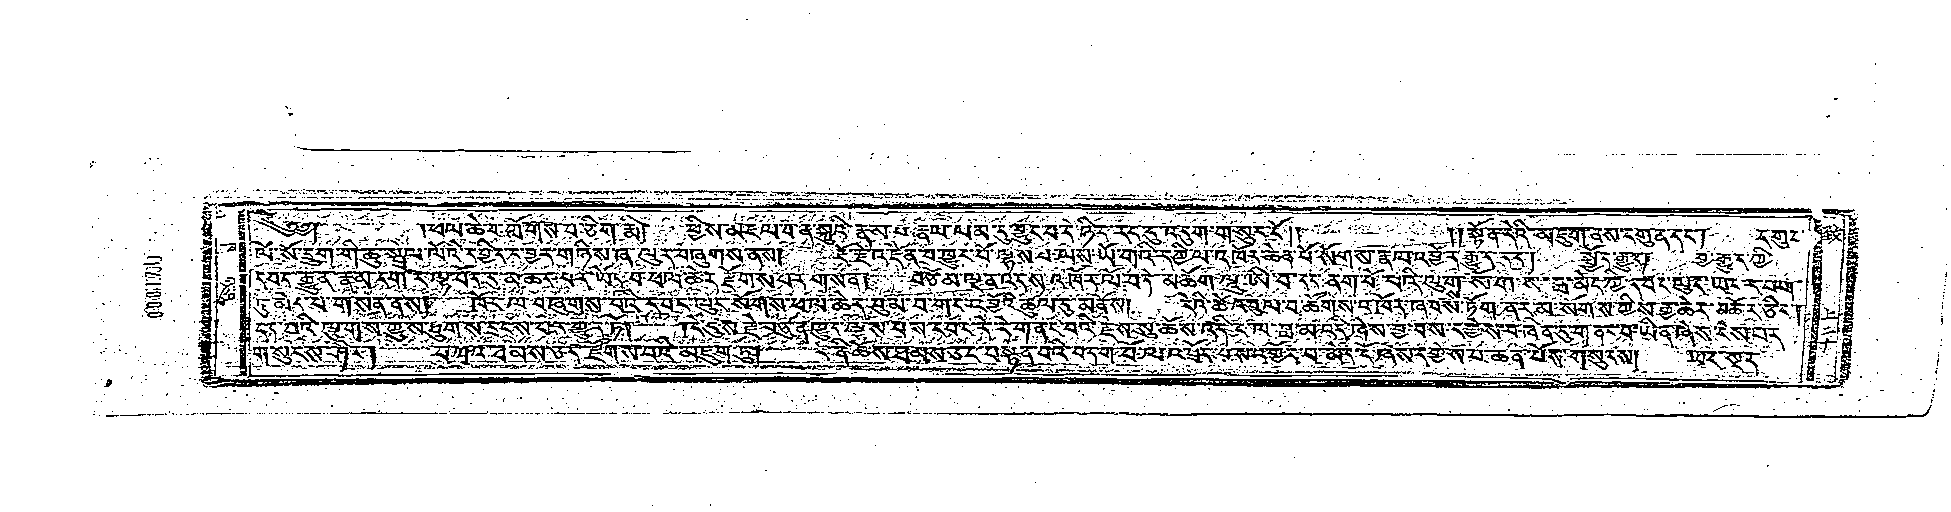༄༅། །ཕལ་ཆེ་བ་ཀློགས་པ་ཅིག་རྨི། ཕྱིས་མཇལ་བ་ན་སྐུའི་རྣམ་པ་རྣལ་ལམ་དུ་བྱུང་བ་དེ་ཉིད་རང་དུ་འདུག་གསུང་ངོ།། །།སྟོན་དེའི་མཇུག་ནས་དགུན་དང་། དགུང་
ལོ་སོ་དྲུག་གི་ཆུ་སྤྲལ་ལོའི་དཔྱིད་དབྱར་གཉིས་ཞ་ལུར་བཞུགས་ནས། རྡོ་རྗེ་འཛིན་པ་ཁྱུང་པོ་ལྷས་པ་ལས་ཡོ་གའི་དཀྱིལ་འཁོར་ཆེན་པོ་སོགས་རྣལ་འབྱོར་རྒྱུད་དང་། སྤྱོད་རྒྱུད། བྱ་རྒྱུད་ཀྱི་
དབང་རྒྱུན་རྣམ་དག་ད་ལྟ་བོད་དུ་མཆད་པར་ཡོད་པ་ཕལ་ཆེར་རྫོགས་པར་གསན། བཅོམ་ལྡན་འདས་འཁོར་ལོ་བདེ་མཆོག་ལཱུ་ཨི་བ་དང་ནག་པོ་པའི་ལུགས་སོགས་བླ་མོང་ཀྱི་དབང་ལུང་ཡང་དཔག་
ཏུ་མེད་པ་གསན་ནས། ཁོང་ལ་བཞུགས་པའི་དབང་ལུང་སོགས་ཕལ་ཆེར་བུམ་པ་གང་འབྱོའི་ཚུལ་དུ་མནོས། དེའི་ཆོ་འབུལ་བ་ཚོགས་འཁོར་ཞབས་ཏོག་ནར་མ་སོགས་ཀྱིས་རྒྱ་ཆེར་མཆོད་ཅིང་།
དད་བའི་ལྕགས་ཀྱུས་ཐུགས་དྲངས་པར་གྱུར་ཏོ། །དེ་དུས་རྗེ་བཙུན་ཁྱུད་ལྷས་པས་དབང་རེ་རེ་གནང་བའི་རྗེས་སུ་ཆོས་འདི་ང་ལ་བླ་མ་འདི་ཞེས་བྱ་བས་དགྱེས་བཞིན་དུ་གནང་བ་ཡིན་ཞེས་དེས་པར་
གསུངས་ཤིང་། བཀའ་ཐམས་ཅད་རྫོགས་པའི་མཇུག་ཏུ། ད་ནི་ཆོས་ཐམས་ཅད་བསྟན་བའི་བདག་བོ་ལ་འཕྲོད་པས་འགྱོད་པ་མེད་དོ་ཞེས་དགྱེས་པ་ཆེན་པོས་གསུངས། ཡང་སྔར་